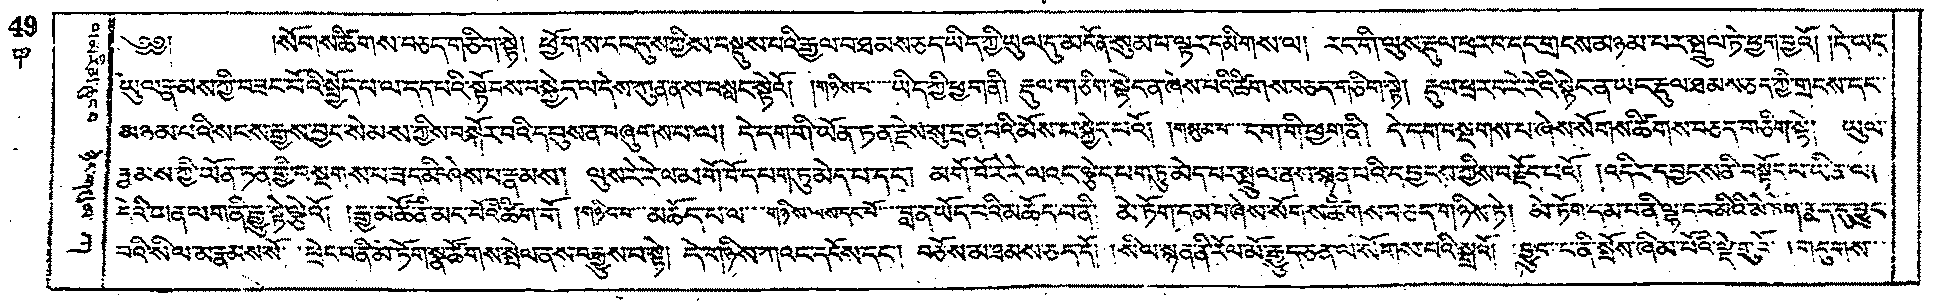༄༅། །སོགས་ཚིགས་བཅད་གཅིག་སྟེ། ཕྱོགས་དང་དུས་ཀྱིས་བསྡུས་པའི་རྒྱལ་བ་ཐམས་ཅད་ཡིད་ཀྱི་ཡུལ་དུ་མངོན་སུམ་པ་ལྟར་དམིགས་ལ། རང་གི་ལུས་རྡུལ་ཕྲ་རབ་དང་གྲངས་མཉམ་པར་སྤྲུལ་ཏེ་ཕྱག་བྱའོ། །དེ་ཡང་
ཡུལ་རྣམས་ཀྱི་བཟང་པོའི་སྤྱོད་པ་ལ་དད་པའི་སྟོབས་བསྐྱེད་ལ་དེས་ཀུན་ནས་བསླང་སྟེའོ། ། གཉིས་པཡིད་ཀྱི་ཕྱག་ནི། རྡུལ་གཅིག་སྟེང་ན་ཞེས་པའི་ཚིགས་བཅད་གཅིག་སྟེ། རྡུལ་ཕྲ་རབ་རེ་རེའི་སྟེང་ན་ཡང་རྡུལ་ཐམས་ཅད་ཀྱི་གྲངས་དང་
མཉམ་པའི་སངས་རྒྱས་བྱང་སེམས་ཀྱིས་བསྐོར་བའི་དབུས་ན་བཞུགས་པ་ལ། དེ་དག་གི་ཡོན་ཏན་རྗེས་སུ་དྲན་པའི་མོས་པ་སྐྱེད་པའོ། ། གསུམ་པངག་གི་ཕྱག་ནི། དེ་དག་བསྔགས་པ་ཞེས་སོགས་ཚིགས་བཅད་གཅིག་སྟེ། ཡུལ་
རྣམས་ཀྱི་ཡོན་ཏན་གྱི་བསྔགས་པ་ཟད་མི་ཤེས་པ་རྣམས། ལུས་རེ་རེ་ལ་མགོ་བོ་དཔག་ཏུ་མེད་པ་དང་། མགོ་བོ་རེ་རེ་ལའང་ལྕེ་དཔག་ཏུ་མེད་པར་སྤྲུལ་ནས་སྙན་པའི་དབྱངས་ཀྱིས་བརྗོད་པའོ། །འདིར་དབྱངས་ནི་བསྟོད་པ་ཡིན་ལ།
དེའི་ཡན་ལག་ནི་རྒྱུ་སྟེ་ལྕེའོ། །རྒྱ་མཚོ་ནི་མང་པོའི་ཚིག་གོ། ། གཉིས་པམཆོད་པ་ལགཉིས་ལས་དང་པོབླ་ན་ཡོད་པའི་མཆོད་པ་ནི། མེ་ཏོག་དམ་པ་ཞེས་སོགས་ཚིགས་བཅད་གཉིས་ཏེ། མེ་ཏོག་དམ་པ་ནི་ལྷ་དང་མིའི་མེ་ཏོག་རྨད་དུ་བྱུང་
བའི་སིལ་མ་རྣམས་སོ། །ཕྲེང་བ་ནི་མེ་ཏོག་སྣ་ཚོགས་སྤེལ་ནས་བརྒྱུས་པ་སྟེ། དེ་གཉིས་ཀའང་དངོས་དང་། བཅོས་མ་ཐམས་ཅད་དོ། །སིལ་སྙན་ནི་རོལ་མོ་རྒྱུད་ཅན་ལ་སོགས་པའི་སྒྲའོ། །བྱུག་པ་ནི་སྤོས་ཞིམ་པོའི་ལྡེ་གུའོ། །གདུགས་